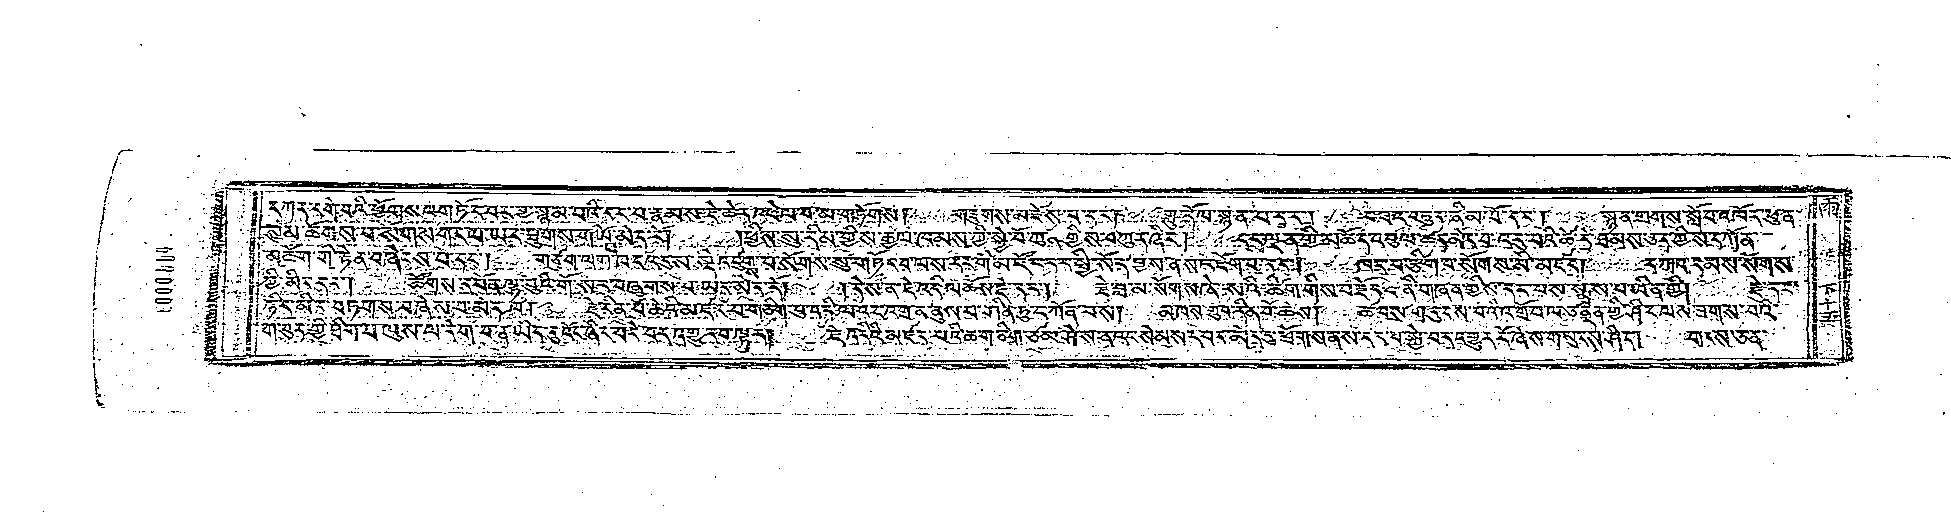དཀར་དགེ་བའི་ཕྱོགས་ལ་གཏོར་བར་བྱ་སྙམ་པའི་དང་བ་རྣམས་ཇེ་ཆེར་འཕེལ་བ་མ་གཏོགས། གཟུགས་མཛེས་པ་དང་། གླུ་རོལ་སྙན་པ་དང་། བཟའ་བཏུང་ཞིམ་པོ་དང་། སྙན་གྲགས་སློབ་འཁོར་ཕུན་
སུམ་ཚོགས་པ་སོགས་གང་ལ་ཡང་ཐུགས་གཡོ་མེད་དོ། །ཕྱིས་སུ་རིམ་གྱིས་རྒྱལ་ཁམས་ཀྱི་སྐྱེ་བོ་ཀུན་གྱིས་བཀུར་ཞིང་། དད་ལྡན་གྱི་མཆོད་འབུལ་ཚད་མེད་པ་འདུ་བའི་ཚེ་དེ་ཐམས་ཅད་ཀྱིས་དཀོན་
མཆོག་གི་རྟེན་བཞེངས་པ་དང་། གཙུག་ལག་ཁང་འདུས་སྡེ་འཛུགས་པ་སོགས་སུ་གཏོང་བ་ལས་རང་གི་མཛོད་དང་སྦྱི་སོད་བྱས་ནས་འཇོག་པ་དང་། ཁང་བ་རྩིག་བ་སོགས་མི་མཛད། དཀའ་དམས་སོགས་
ཀྱི་མིང་དང་། ཚོགས་དཔོན་ལྟ་བུའི་གོ་སར་བཞུགས་པ་ཡང་མེད་དོ། །དེས་ན་ཇེ་འདི་ལ་ཆོས་རྗེ་དང་། རྗེ་བླ་མ་སོགས་ཞེ་སའི་ཚིག་གིས་བརྗོད་པ་ནི་གཞན་གྱིས་དང་པས་སྨྲས་པ་ཡིན་གྱི། རྗེ་རང་
ཉིད་མིང་བཏགས་བཞེས་པ་མེད་ལ། རྗེ་རིན་པོ་ཆེའི་མཛད་པ་གཅིག་པུ་འདི་ལའང་འགྲན་ནུས་པ་ཤིན་ཏུ་དཀོན་པས། མཁས་གྲུབ་རིན་པོ་ཆེས། ཚ་བས་གདུངས་བའི་འགྲོ་བ་ལ་ཙནྡན་གྱི་ཤིང་ལས་བྲགས་པའི་
ག་བུར་གྱི་ཐིག་པ་ལུས་ལ་རེག་བ་ན་ཡིད་དུ་འོང་ཉིད་བདེ་བར་འགྱུར་བ་ལྟར། རྗེ་འདིའི་མཛད་པའི་ཆག་ཅིག་ཙམ་ཤེས་ནའང་སེམས་དབང་མེད་དུ་ཕྲོགས་ནས་དད་པ་སྐྱེ་བར་འགྱུར་རོ་ཞེས་གསུངས་ཤིང་། གངས་ཅན་